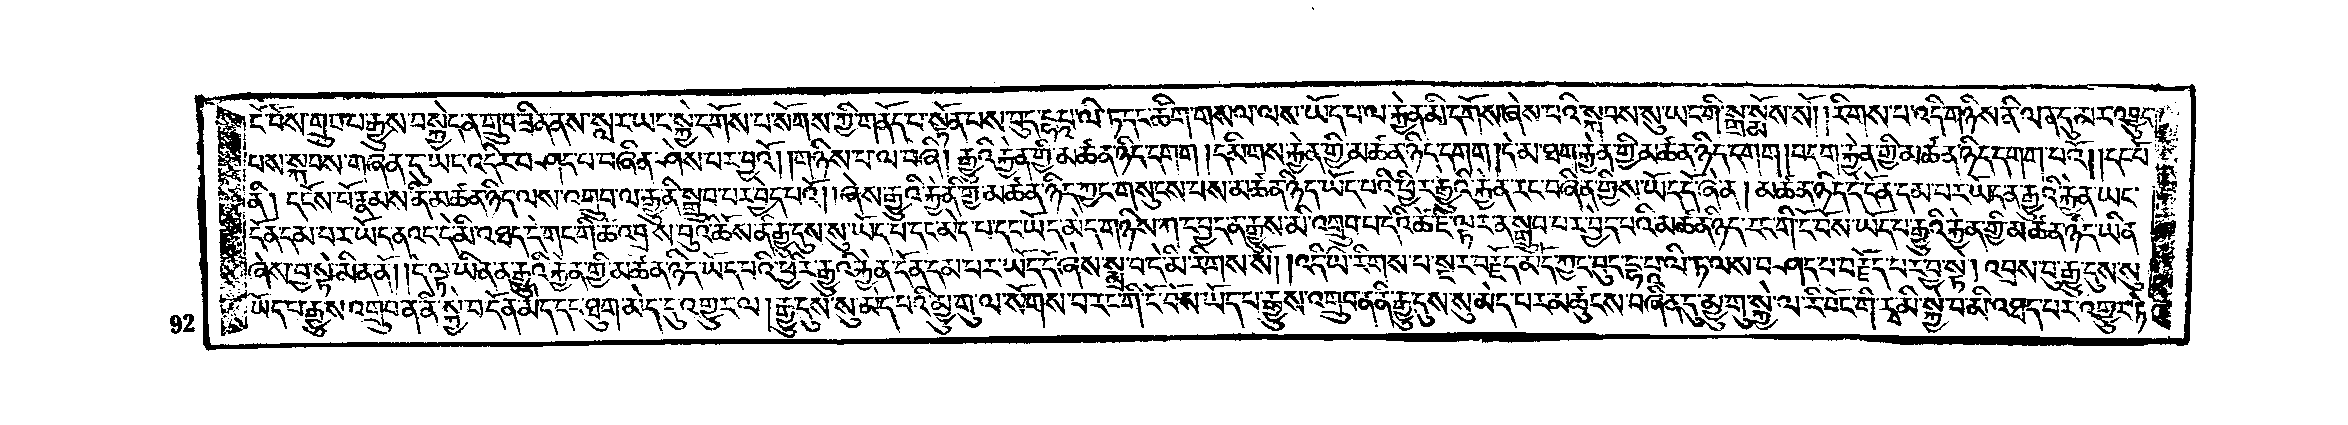ངོ་བོས་གྲུབ་པ་རྒྱུས་བསྐྱེད་ན་གྲུབ་ཟིན་ནས་སླར་ཡང་སྐྱེ་དགོས་པ་སོགས་ཀྱི་གནོད་པ་སྟོན་པས་བུད་དྷ་པཱ་ལི་ཏ་དང་ཚིག་གསལ་ལས་ཡོད་པ་ལ་རྐྱེན་མི་དགོས་ཞེས་པའི་སྐབས་སུ་ཡང་གི་སྒྲ་སྨོས་སོ། །རིགས་པ་འདི་གཉི་ནི་ལན་དུ་མར་འབྱུང་
བས་སྐབས་གཞན་དུ་ཡང་འདིར་བཤད་པ་བཞིན་ཤེས་པར་བྱའོ། །གཉིས་པ་ལ་བཞི། །རྒྱུའི་རྐྱེན་གྱི་མཚན་ཉི་དགག། དམིགས་རྐྱེན་གྱི་མཚན་ཉིད་དགག། དེ་མ་ཐག་རྐྱེན་གྱི་མཚན་ཉིད་དགག །བདག་རྐྱེན་གྱི་མཚན་ཉིད་དགག་པའོ། །དང་པོ་
ནི། དངོས་པོ་རྣམས་ནི་མཚན་ཉིད་ལས་འགྲུབ་ལ་རྒྱུ་ནི་སྒྲུབ་པར་བྱེད་པའོ། །ཞེས་རྒྱུའི་རྐྱེན་གྱི་མཚན་ཉིད་ཀྱང་གསུངས་པས་མཚན་ཉིད་ཡོད་པའི་ཕྱིར་རྒྱུའི་རྐྱེན་རང་བཞིན་གྱིས་ཡོད་དོ་ཞེ་ན། མཚན་ཉིད་དེ་དོན་དམ་པ་ཡོད་ན་རྒྱུའི་རྐྱེན་ཡང་
དོན་དམ་པར་ཡོད་ནའང་དེ་མི་འཐད་དེ་གང་གི་ཚེ་འབྲས་བུའི་ཆོས་ནི་རྒྱུ་དུས་སུ་ཡོད་པ་དང་མེད་པ་དག་ཡོད་མེད་གཉི་ཀ་དཔྱད་ན་རྒྱུས་མི་འགྲུབ་པ་དེའི་ཚེ་ཇི་ལྟར་ན་སྒྲུབ་པར་བྱེད་པའི་མཚན་ཉིད་རང་གི་ངོ་བོས་ཡོད་པ་རྒྱུའི་རྐྱེན་གྱི་མཚན་ཉིད་ཡིན་
ཞེས་བྱ་སྟེ་མིན་ནོ། །དེ་ལྟ་ཡིན་ན་རྒྱུའི་རྐྱེན་གྱི་མཚན་ཉིད་ཡོད་པའི་ཕྱིར་རྒྱུའི་རྐྱེན་དོན་དམ་པར་ཡོད་དོ་ཞེས་སྨྲ་བ་དེ་མི་རིགས་སོ། །འདི་ཡི་རིགས་པ་སྔར་བརྗོད་མདོ་ཀྱང་བུད་དྷ་པཱ་ལི་ཏ་ལས་བཤད་པ་བརྗོད་པར་བྱ་སྟེ་འབྲས་བུར་ཡུ་དུས་སུ་
ཡོད་པ་རྒྱུས་འགྲུབ་ན་ནི་སྐྱེ་བ་དོན་མེད་དང་ཐུག་མེད་དུ་འགྱུར་ལ། རྒྱུ་དུས་སུ་མེད་པའི་མྱུ་གུ་ལ་སོགས་པ་རང་གི་ངོ་བོས་ཡོད་པ་རྒྱུས་འགྲུབ་ན་ནི་རྒྱུ་དུས་སུ་མེད་པ་མཚུངས་བཞན་དུ་མྱུ་གུ་སྐྱེ་ལ་རི་བོང་གི་རྭ་མི་སྐྱེ་བ་མི་འཐད་པར་འགྱུར་ཏེ་